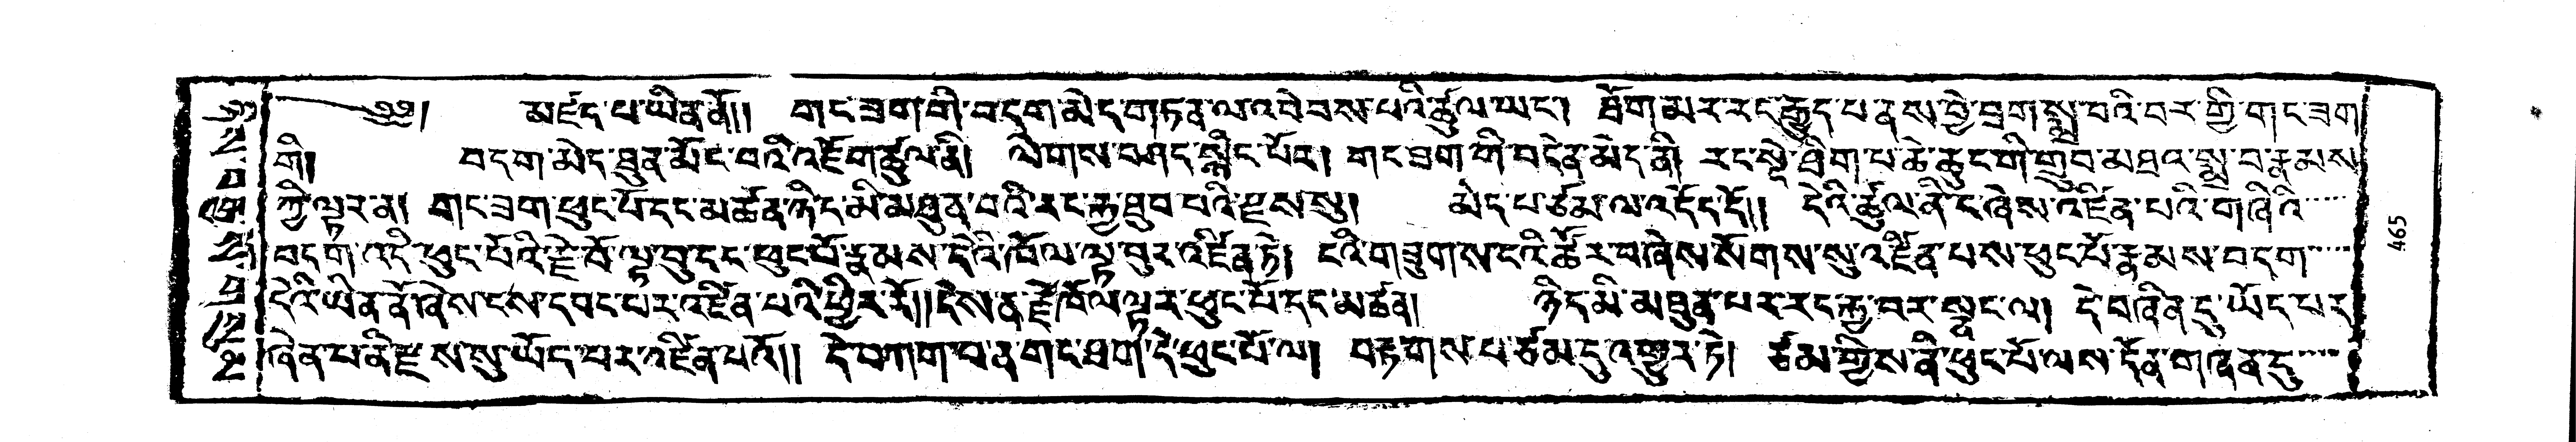༄༅། །མཛད་པ་ཡིན་ནོ། །གང་ཟག་གི་བདག་མེད་གཏན་ལ་འབེབས་པའི་ཚུལ་ཡང་། ཐོག་མར་རང་རྒྱུད་པ་ནས་བྱེ་བྲག་སྨྲ་བའི་བར་གྱི་གང་ཟག་
གི། བདག་མེད་ཐུན་མོང་བའི་འཇོག་ཚུལ་ནི། ལེགས་བཤད་སྙིང་པོར། གང་ཟག་གི་བདེན་མེད་ནི། རང་སྡེ་ཐེག་པ་ཆེ་ཆུང་གི་གྲུབ་མཐའ་སྨྲ་བ་རྣམས་
ཀྱི་ལྟར་ན། གང་ཟག་ཕུང་པོ་དང་མཚན་ཉིད་མི་མཐུན་པའི་རང་རྐྱ་ཐུབ་པའི་རྫས་སུ། མེད་པ་ཙམ་ལ་འདོད་དོ། །དེའི་ཚུལ་ནི་ང་ཞེས་འཛིན་པའི་གཞིའི་
བདག་འདི་ཕུང་པོའི་རྗེ་བོ་ལྟ་བུ་དང་ཕུང་པོ་རྣམས་དེའི་ཁོ་ལ་ལྟ་བུར་འཛིན་ཏེ། ངའི་གཟུགས་ངའི་ཚོར་བ་ཞེས་སོགས་སུ་འཛིན་པས་ཕུང་པོ་རྣམས་བདག་
དེའི་ཡིན་ནོ་ཞེས་ངས་དབང་བར་འཛིན་པའི་ཕྱིར་རོ། །དེས་ན་རྗེ་ཁོལ་ལྟར་ཕུང་པོ་དང་མཚན། ཉིད་མི་མཐུན་པར་རང་རྐྱ་བར་སྣང་ལ། དེ་བཞིན་དུ་ཡོད་པར་
ཞེན་པ་ནི་རྫས་སུ་ཡོད་པར་འཛིན་པའོ། །དེ་བཀག་པ་ན་གང་ཐག་དེ་ཕུང་པོ་ལ། བརྟགས་པ་ཙམ་དུ་འགྱུར་ཏེ། ཙམ་གྱིས་ནི་ཕུང་པོ་ལས་དོན་གཞན་དུ་